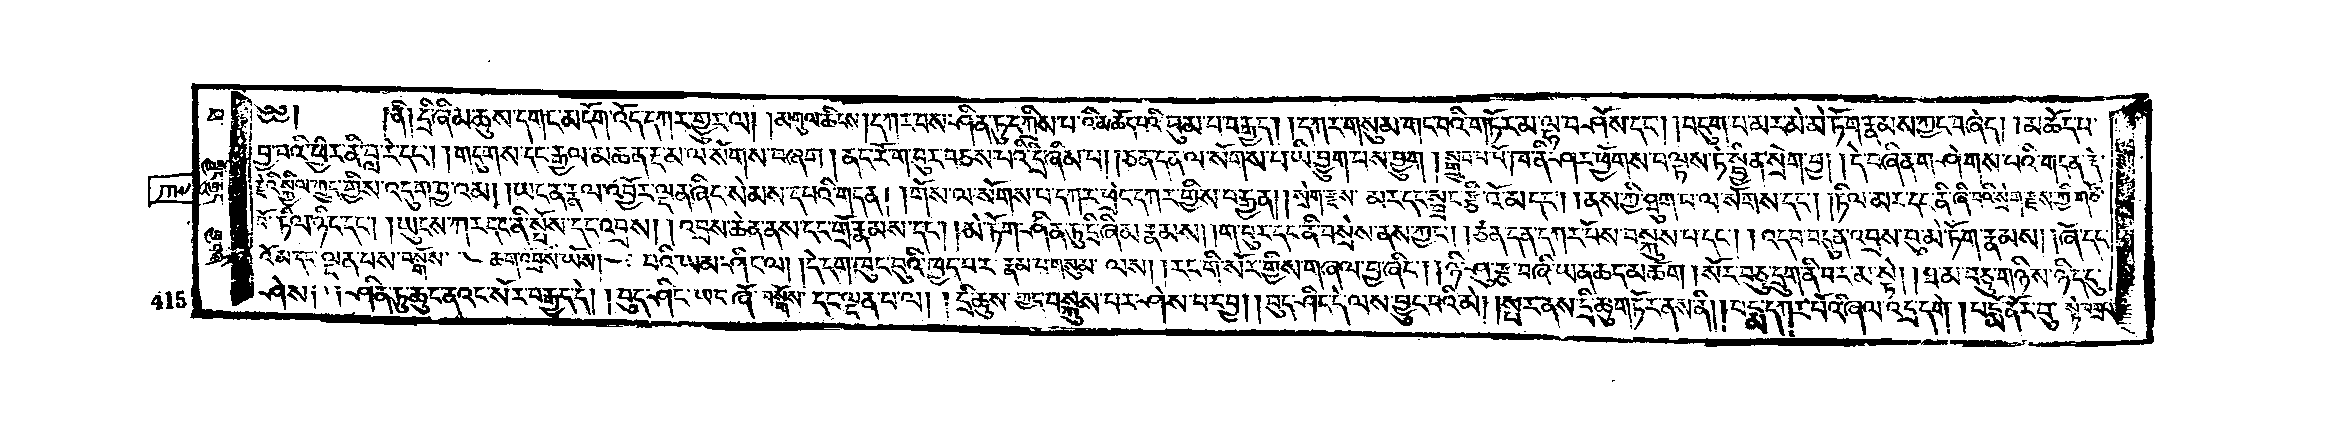༄༅། །ནི། དྲི་ཞིམ་ཆུས་དགང་མདོག་འོད་དཀར་གྱུར་ལ། མགུལ་ཆིངས།  དཀར་བས་ཤིན་ཏུ་དཀྲིས་པའི་མཆོད་པའི་བུམ་པ་བརྒྱད། །དཀར་གསུམ་གང་བའི་གཏོར་མ་ལྷ་བཤོས་དང་། །བདུག་པ་མར་མེ་མེ་ཏོག་རྣམས་ཀྱང་བཞེད། །མཆོད་པ་
བྱ་བའི་ཕྱིར་ནི་བླ་རེ་དང་། །གདུགས་དང་རྒྱལ་མཚན་རྔ་མ་ལ་སོགས་བཞག། ནང་རེ་ག་བུར་བཅས་པའི་དྲི་ཞིམ་པ། །ཙན་དན་ལ་སོགས་པ་ཡི་བྱུག་པས་བྱུག། །སྒྲུབ་པ་པོ་ཁ་ནི་ཤར་ཕྱོགས་བལྟས་ཏེ་སྦྱིན་སྲེག་བྱ། །དེ་བཞིན་གཤེགས་པའི་གདན་རྡོ་རྡོ་
རྗེའི་སྐྱིལ་ཀྲུང་གྱིས་འདུག་བྱ་འམ། །ཡང་ན་རྣལ་འབྱོར་ལྡན་ཞིང་སེམས་དཔའི་གདན། །གོས་ལ་སོགས་པ་དཀར་ཕྲེང་དཀར་གྱིས་བརྒྱན། ། སྲེག་རྫས་མར་དང་སྦྲང་རྩི་འོ་མ་དང་། །ནས་ཀྱི་ཐུག་པ་ལ་སོགས་དང་། །ཏིལ་མར་དང་ནི་ཞི་བའི་སྲེག་རྫས་ཀྱི་གཙོ་
བོ་ཏིལ་ཉིད་དང་། ། ཡུངས་ཀར་དང་ནི་སྤོས་དང་འབྲས། །འབྲས་ཆན་ནས་དང་གྲོ་རྣམས་དང་། །མེ་ཏོག་ཤིན་ཏུ་དྲི་ཞིམ་རྣམས། །ག་བུར་དང་ནི་བསྲེས་ནས་ཀྱང་། །ཙན་དན་དཀར་པོས་བསྐུས་པ་དང་། །འདབ་བདུན་འབྲས་བུ་མེ་ཏོག་རྣམས། །ཞོ་དང་
འོ་ན་དང་ལྡན་པས་བསྒོས་ཆག་འབྲིས་ཡོས།.H པའི་ཡམ་ཤིང་ལ། །དེ་དག་ཁུང་བུའི་ཁྱད་པར་རྣམ་པ་གསུམ་ལས། །རང་གི་སོར་གྱིས་གཞལ་བྱ་ཞིང་། །ཉི་ཤུ་རྩ་བཞི་ཡན་ཆད་མཆོག། སོར་བཅུ་དྲུག་ནི་བར་མ་སྟེ། །ཐ་མ་བཅུ་གཉིས་ཉིད་དུ་
ཤེས། །ཤིན་ཏུ་ཆུང་ནའང་སོར་བརྒྱད་དེ། །བུད་ཤིང་ཡང་ཞོ་སྒོས་དང་ལྡན་པ་ལ། །དྲི་ཆུས་ཀྱང་བསྐྲུས་པར་ཤེས་པར་བྱ། །བུད་ཤིང་ལས་བྱུང་བའི་མེ། །སྤར་ནས་དྲི་ཆུ་གཏོར་ནས་ནི། །པདམ་དཀར་པོའི་ཞལ་འདྲ་དགེ། པདམོ་ནོར་བུ་སྟེ་བགྲང་